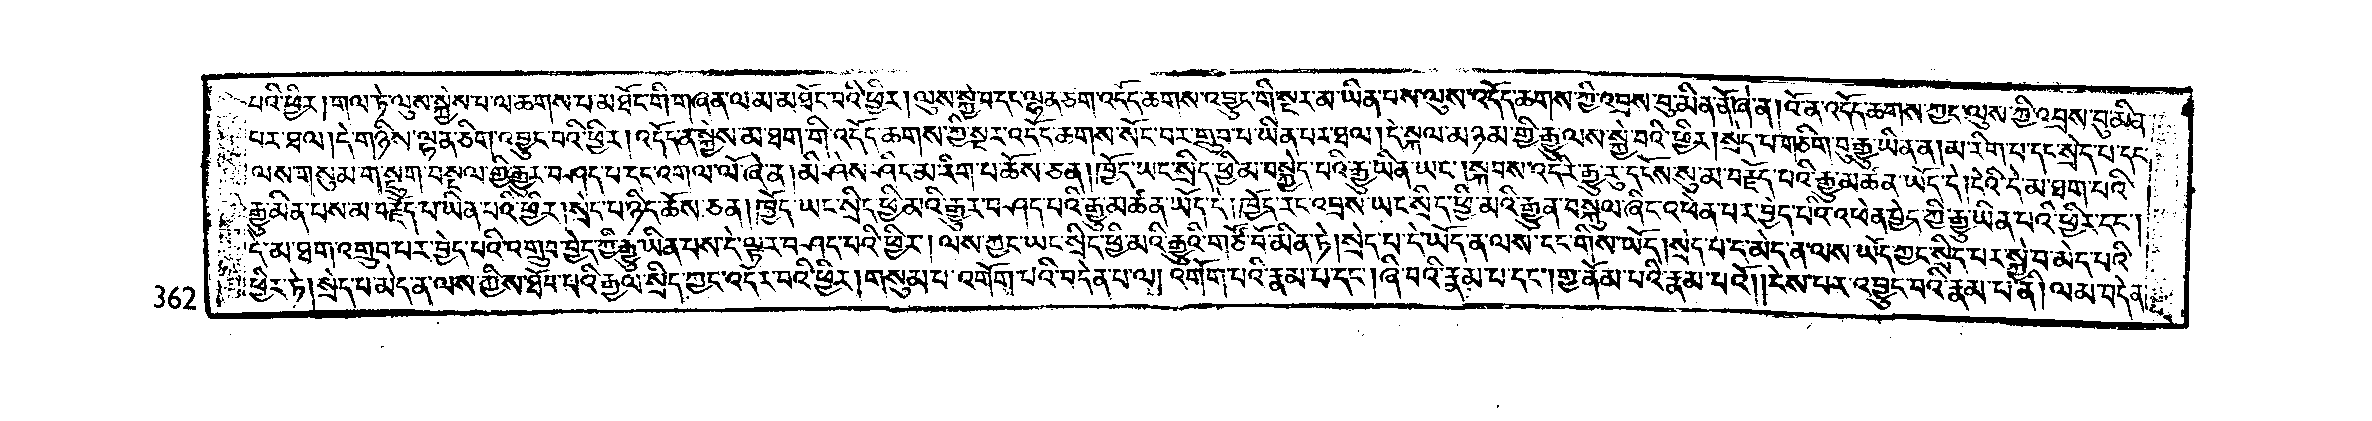པའི་ཕྱིར། གལ་ཏེ་ལུས་སྐྱེས་པ་ལ་ཆགས་པ་མཐོང་གི་གཞན་ལ་མ་མཐོང་བའི་ཕྱིར། ལུས་སྐྱེ་བ་དང་ལྷན་ཅིག་འདོད་ཆགས་འབྱུང་གི་སྔར་མ་ཡིན་པས་ལུས་འདོད་ཆགས་ཀྱི་འབྲས་བུ་མིན་ནི་ཞེ་ན། འོ་ན་འདོད་ཆགས་ཀྱང་ལུས་ཀྱི་འབྲས་བུ་མིན་
པར་ཐལ། དེ་གཉིས་ལྷན་ཅིག་འབྱུང་བའི་ཕྱིར། འདོད་ན་སྐྱེས་མ་ཐག་གི་འདོད་ཆགས་ཀྱི་སྔར་འདོད་ཆགས་སོང་བར་གྲུབ་པར་ཡིན་པར་ཐལ། དེ་སྐལ་མཉམ་གྱི་རྒྱུ་ལས་སྐྱེ་བའི་ཕྱིར། སྲེད་པ་གཅིག་བུ་རྒྱུ་ཡིན་ན། མ་རིག་པ་དང་སྲེད་པ་དང་
ལས་གསུམ་ག་སྡུག་བསྔལ་གྱི་རྒྱུར་བཤད་པ་དང་འགལ་ལོ་ཞེ་ན། མི་ཤེས་ཤིང་མ་རིག་པ་ཆོས་ཅན། ཁྱོད་ཡང་སྲིད་ཕྱི་མ་བསྐྱེད་པའི་རྒྱུ་ཡིན་ཡང་། སྐབས་འདིར་རྒྱུ་རུ་དངོས་སུ་མ་བརྗོད་པའི་རྒྱུ་མཚན་ཡོད་དེ། དེའི་དེ་མ་ཐག་པའི་
རྒྱུ་མིན་པས་མ་བརྗོད་པ་ཡིན་པའི་ཕྱིར། སྲེད་པ་ཉིད་ཆོས་ཅན། ཁྱོད་ཡང་སྲིད་ཕྱི་མའི་རྒྱུར་བཤད་པའི་རྒྱུ་མཚན་ཡོད་དོ། ཁྱོད་རང་འབྲས་ཡང་སྲིད་ཕྱི་མའི་རྒྱུན་བསྐུལ་ཞིང་འཕེན་པར་བྱེད་པའི་འཕེན་བྱེད་ཀྱི་རྒྱུ་ཡིན་པའི་ཕྱིར་དང་།
དེ་མ་ཐག་འགྲུབ་པར་བྱེད་པའི་འགྲུབ་བྱེད་ཀྱི་རྒྱུ་ཡིན་པས་དེ་ལྟར་བཤད་པའི་ཕྱིར། ལས་ཀྱང་ཡང་སྲིད་ཕྱི་མའི་རྒྱུའི་གཙོ་བོ་མིན་ཏེ། སྲེད་པ་དེ་ཡོད་ན་ལས་དང་གིས་ཡོད། སྲེད་པ་དེ་མེད་ན་ལས་ཡོད་ཀྱང་སྲིད་པར་སྐྱེ་བར་མེད་པའི་
ཕྱིར་ཏེ། སྲེད་པ་མེད་ན་ལས་ཀྱི་ས་ཐོབ་པའི་རྒྱལ་སྲིད་ཀྱང་འདོར་བའི་ཕྱིར། གསུམ་པ་འགོག་པའི་བདེན་པ་ལ། འགོག་པའི་རྣམ་པ་དང་། ཞི་བའི་རྣམ་པ་དང་། གྱ་ནོམ་པའི་རྣམ་པའོ། །ངེས་པར་འབྱུང་བའི་རྣམ་པ་ནི། ལམ་བདེན་